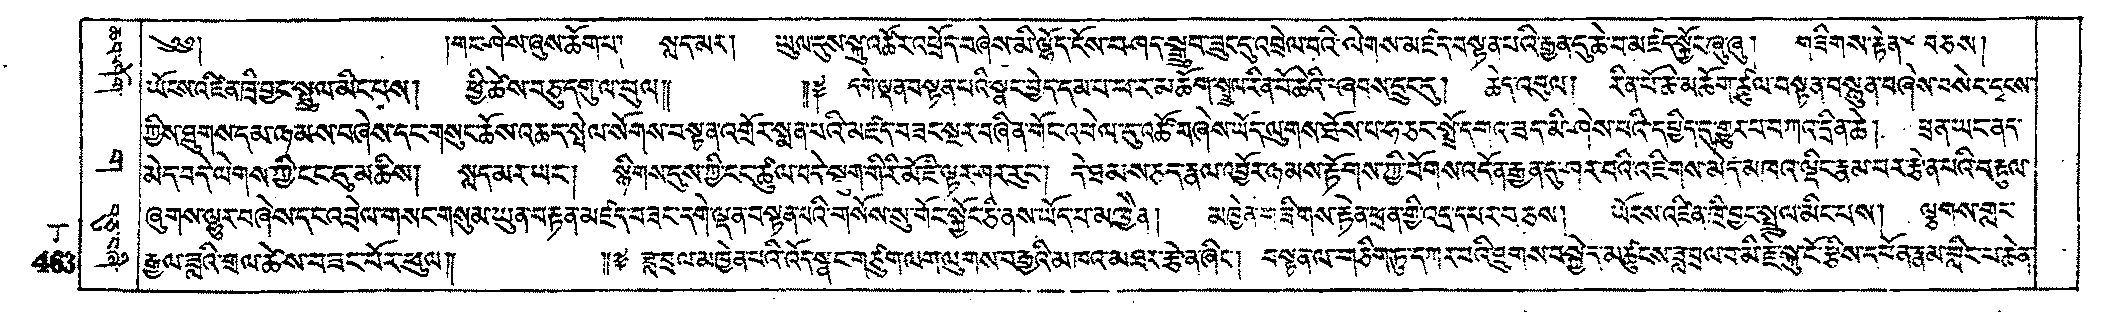༄༅། །གང་ཤེས་ཞུས་ཆོག་པ། སླད་མར། ཡུལ་དུས་སྐུ་འཚོར་འཕྲོད་བཞེས་མི་ལྷོད་ངོས་བཞད་སྒྲུབ་ཟུང་དུ་འབྲེལ་བའི་ལེགས་མཛད་བསྟན་པའི་རྒྱན་དུ་ཆེ་བ་མཛད་སྐྱོང་ཞུ་ཞུ། གཟིགས་རྟེན་྾་བཅས།
ཡོངས་འཛིན་ཁྲི་བྱང་སྤྲུལ་མིང་པས། ཕྱི་ཚེས་བཅུ་དགུ་ལ་ཕུལ།། །།འ་དགེ་ལྡན་བསྟན་པའི་སྣང་བྱེད་དམ་པ་ཕ་ར་མཆོག་སྤྲུལ་རིན་པོ་ཆེའི ༧ཞབས་དྲུང་དུ། ཆེད་འབུལ། རིན་པོ་ཆེ་མཆོག་ཚུལ་བསྟན་བསྙུན་བཞེས་བསེང་དྭངས་
ཀྱིས་ཐུགས་དམ་ཉམས་བཞེས་དང་གསུང་ཆོས་འཆད་སྤེལ་སོགས་བསྟན་འགྲོར་སྨན་པའི་མཛད་བཟང་སྔར་བཞིན་གོང་འཕེལ་དུ་འཚོ་གཞེས་ཡོད་ལུགས་ཐོས་པ་ཧ་ཅང་སྤྲོ་དགའ་ཟད་མི་ཤེས་པའི་དཔྱིད་དུ་གྱུར་པ་བཀའ་དྲིན་ཆེ། ཕྲན་ཡང་ནད་
མེད་བདེ་ལེགས་ཀྱི་ངང་དུ་མཆིས། སླད་མར་ཡང་། སྙིགས་དུས་ཀྱི་ངང་ཚུལ་བདེ་སྡུག་གི་རི་མོ་ཇི་ལྟར་ཤར་རུང་། དེ་ཐམས་ཅད་རྣལ་འབྱོར་ཉམས་རྟོགས་ཀྱི་བོགས་འདོན་རྒྱན་དུ་ཤར་བའི་འཇིགས་མེད་མཁའ་ལྡིང་རྣམ་པར་རྩེན་པའི་བརྟུལ་
ཞུགས་ལྷུར་བཞེས་དང་འབྲེལ་གསང་གསུམ་ཡུན་བརྟན་མཛད་བཟང་དགེ་ལྡན་བསྟན་པའི་གསོས་སུ་གོང་སྐྱོང་ཅི་ནས་ཡོད་པ་མཁྱཻན། མཁྱེན་གཟིགས་རྟེན་ཕྲན་གྱི་འདྲ་དཔར་བཅས། ཡོངས་འཛིན་ཁྲི་བྱང་སྤྲུལ་མིང་པས། ལྕགས་གླང་
རྒྱལ་ཟླའི་གྲལ་ཚེས་བཟང་པོར་ཕུལ།། །། འ་ཟླ་བྲལ་མཁྱེན་པའི་འོད་སྣང་གཙུག་ལག་ལུགས་བརྒྱའི་མཁའ་མཐར་རྩེན་ཞིང་། བསྟན་ལ་གཅིག་ཏུ་དཀར་བའི་ཐུགས་བསྐྱེད་མཚུངས་ཟླ་བྲལ་བ་མི་རྗེ་སྐུ་ངོ་རྩིས་དཔོན་རྣམ་གླིང་པ་ཆེན་